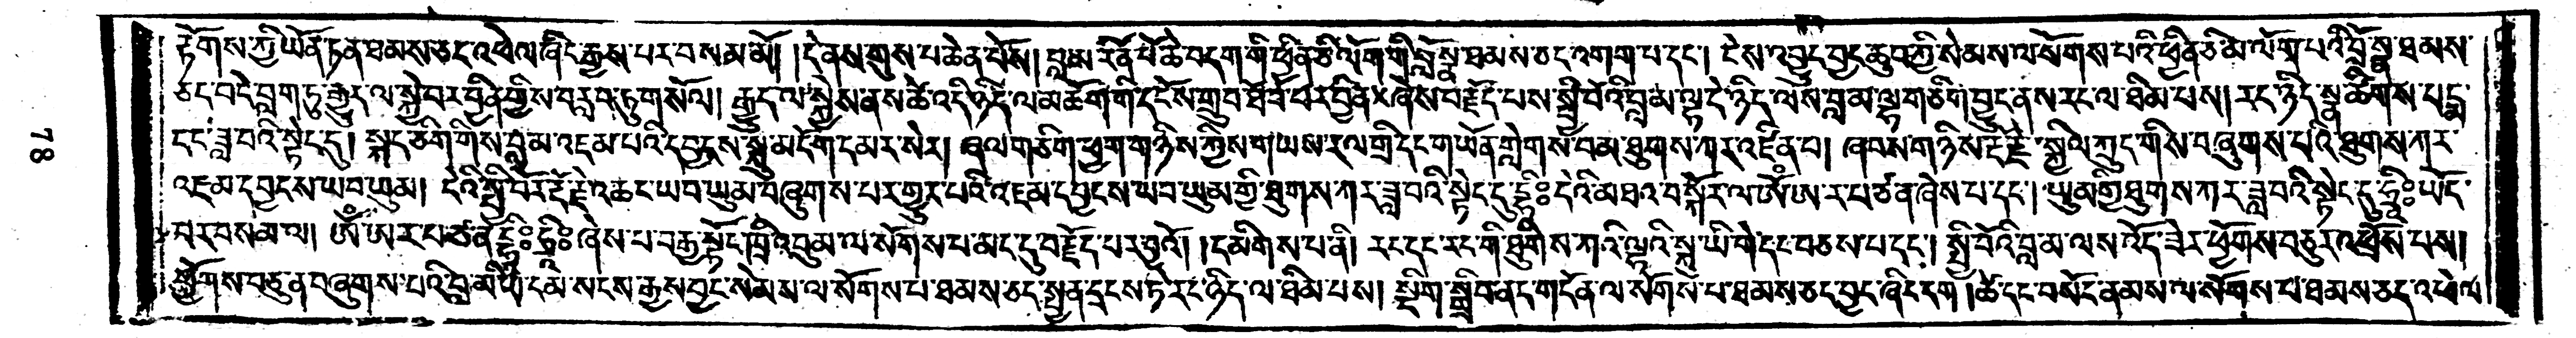རྟོགས་ཀྱི་ཡོན་ཏན་ཐམས་ཅད་འཕེལ་ཞིང་རྒྱས་པར་བསམ་མོ། །དེ་ནས་གུས་པ་ཆེན་པོས། བླ་མ་རིན་པོ་ཆེ་བདག་གི་ཕྱིན་ཅི་ལོག་གི་བློ་སྣ་ཐམས་ཅད་འགག་པ་དང་། ངེས་འབྱུང་བྱང་ཆུབ་ཀྱི་སེམས་ལ་སོགས་པའི་ཕྱིན་ཅི་མ་ལོག་པའི་བློ་སྣ་ཐམས་
ཅད་བདེ་བླག་ཏུ་རྒྱུར་ལ་སྐྱེ་བར་བྱིན་གྱིས་བརླབ་ཏུ་གསོལ། རྒྱུད་ལ་སྐྱེས་ནས་ཚེ་འདི་ཉིད་ལ་མཆོག་གི་དངོས་གྲུབ་ཐོབ་པར་བྱིན་྾་ཞེས་བརྗོད་པས་སྤྱི་བོའི་བླ་མ་ལྷ་དེ་ཉིད་ལས་བླ་མ་ལྷ་གཅིག་བྱུང་ནས་རང་ལ་ཐིམ་པས། རང་ཉིད་སྣ་ཚིགས་པདམ་
དང་ཟླ་བའི་སྟེང་དུ། སྐད་ཅིག་གིས་བླ་མ་འཇམ་པའི་དབྱངས་སྐུ་མངོག་དམར་སེར། ཞལ་གཅིག་ཕྱག་གཉིས་ཀྱིས་གཡས་རལ་གྲི་དང་གཡོན་གླེགས་བམ་ཐུགས་ཀར་འཛིན་པ། ཞབས་གཉིས་རྡོ་རྗེ་སྐྱིལ་ཁྲུད་གིས་བཞུགས་པའི་ཐུགས་ཀར་
འཇམ་དབྱངས་ཡབ་ཡུམ། དེའི་སྤྱི་བོར་རྡོ་རྗེ་འཆང་ཡབ་ཡུམ་བཞུགས་པར་གྱུར་པའི་འཇམ་དབྱངས་ཡབ་ཡུམ་གྱི་ཐུགས་ཀར་ཟླ་བའི་སྟེང་དུ་དྷིཿ དེའི་མཐའ་བསྐོར་ལ་ཨོཾ་ཨ་ར་པ་ཙ་ན་ཞེས་པ་དང་། ཡུམ་གྱི་ཐུགས་ཀར་ཟླ་བའི་སྟེང་དུ་ཧྲཱིཿ ཡོད་
པར་བསམ་ལ། ཨོཾ་ཨ་ར་པ་ཙ་ན་དྷཱིཿ ཧྲཱིཿ ཞེས་པ་བརྒྱ་སྟོང་ཁྲི་འབུམ་ལ་སོགས་པ་མང་དུ་བརྗོད་པར་བྱའོ། །དམིགས་པ་ནི། །རང་དང་རང་གི་ཐུགས་ཀའི་ལྷའི་སྐུ་ཡི་དེ་དང་བཅས་པ་དང་། སྤྱི་བོའི་བླ་མ་ལས་འོད་ཟེར་ཕྱོགས་བཅུར་འཕྲོས་པས།
ཕྱོགས་བཅུ་ན་བཞུགས་པའི་བླ་མི་ཡི་དམ་སངས་རྒྱས་བྱང་སེམས་ལ་སོགས་པ་ཐམས་ཅད་སྤྱན་དྲངས་ཏེ་རང་ཉིད་ལ་ཐིམ་པས། སྡིག་སྒྲིབ་ནད་གདོན་ལ་སོགས་པ་ཐམས་ཅད་བྱང་ཞིང་དག། །ཚེ་དང་བསོད་ནམས་ལ་སོགས་པ་ཐམས་ཅད་འཕེལ་